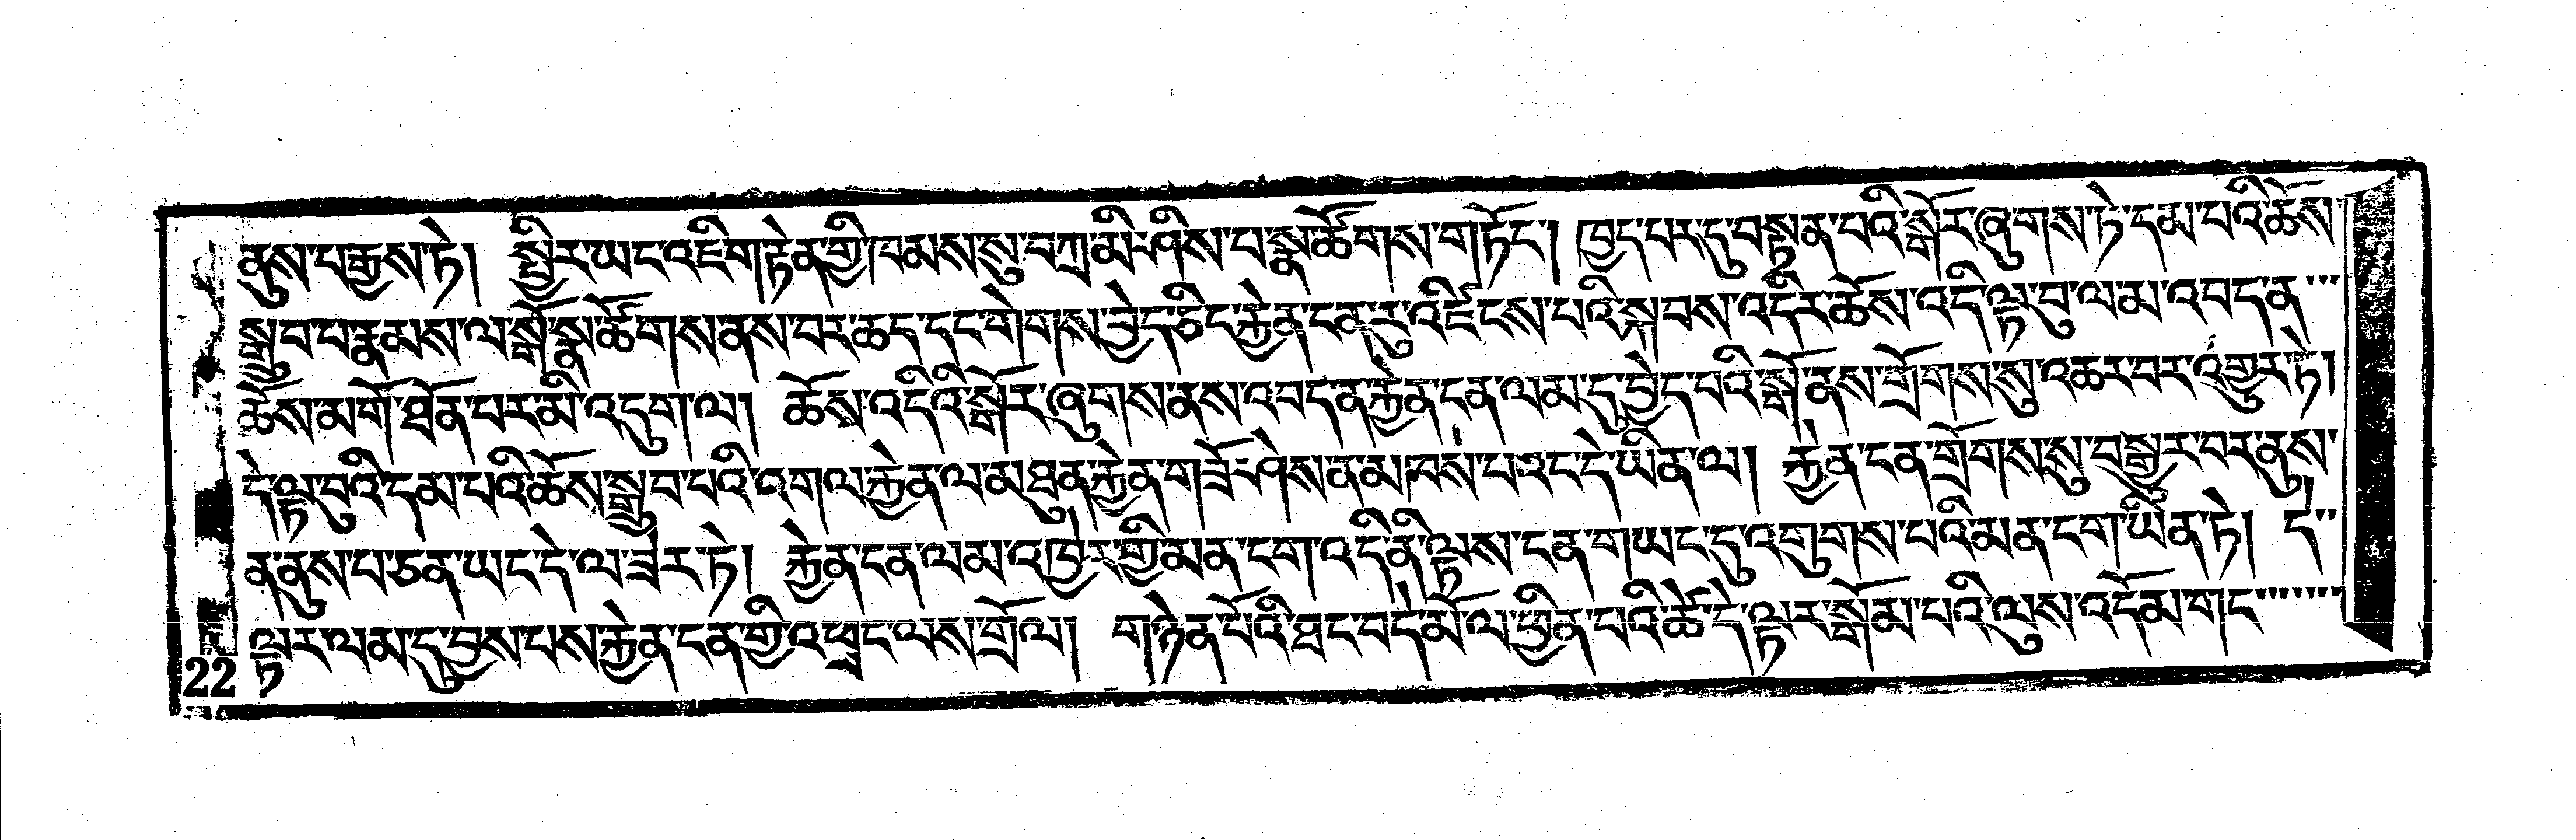ནུས་པ་རྒྱས་ཏེ། སྤྱིར་ཡང་འཇིག་རྟེན་གྱི་ཁམས་སུ་བཀྲ་མི་ཤིས་པ་སྣ་ཚོགས་གཏོང་། ཁྱད་པར་དུ་བསྟན་པའི་སྒོར་ཞུགས་ཏེ་དམ་པའི་ཆོས་
སྒྲུབ་པ་རྣམས་ལ་སྒོ་སྣ་ཚོགས་ནས་བར་ཆད་དང་གེགས་བྱེད་ཅིང་རྐྱེན་ངན་རུ་འཛིངས་པའི་སྐབས་འདིར་ཆོས་འདི་ལྟ་བུ་ལ་མ་འབད་ན་
ཆོས་མགོ་ཐོན་པར་མི་འདུག་ལ། ཆོས་འདིའི་སྒོར་ཞུགས་ནས་འབད་ན་རྐྱེན་ངན་ལམ་དུ་བྱེད་པའི་སྒོ་ནས་གྲོགས་སུ་འཆར་བར་འགྱུར་ཏེ།
དེ་ལྟ་བུའི་དམ་པའི་ཆོས་སྒྲུབ་པའི་འགལ་རྐྱེན་ལ་མཐུན་རྐྱེན་གཟོ་ཤེས་ན་མཁས་པའང་དེ་ཡིན་ལ། རྐྱེན་ངན་གྲོགས་སུ་བསྒྱུར་བར་ནུས་
ན་ནུས་པ་ཅན་ཡང་དེ་ལ་ཟེར་ཏེ། རྐྱེན་ངན་ལམ་འཁྱེར་གྱི་མན་ངག་འདི་ནི་ལྟས་ངན་གཡང་དུ་འགུགས་པའི་མན་ངག་ཡིན་ཏེ། དེ་
ལྟར་ལམ་དུ་བྱས་པས་རྐྱེན་ངན་གྱི་འཕྲང་ལས་གྲོལ། གཉེན་པོའི་ཐང་བདེ་མོ་ལ་ཕྱིན་པའི་ཚེ་དེ་ལྟར་སྒོམ་པའི་ལུས་འདོམ་གང་